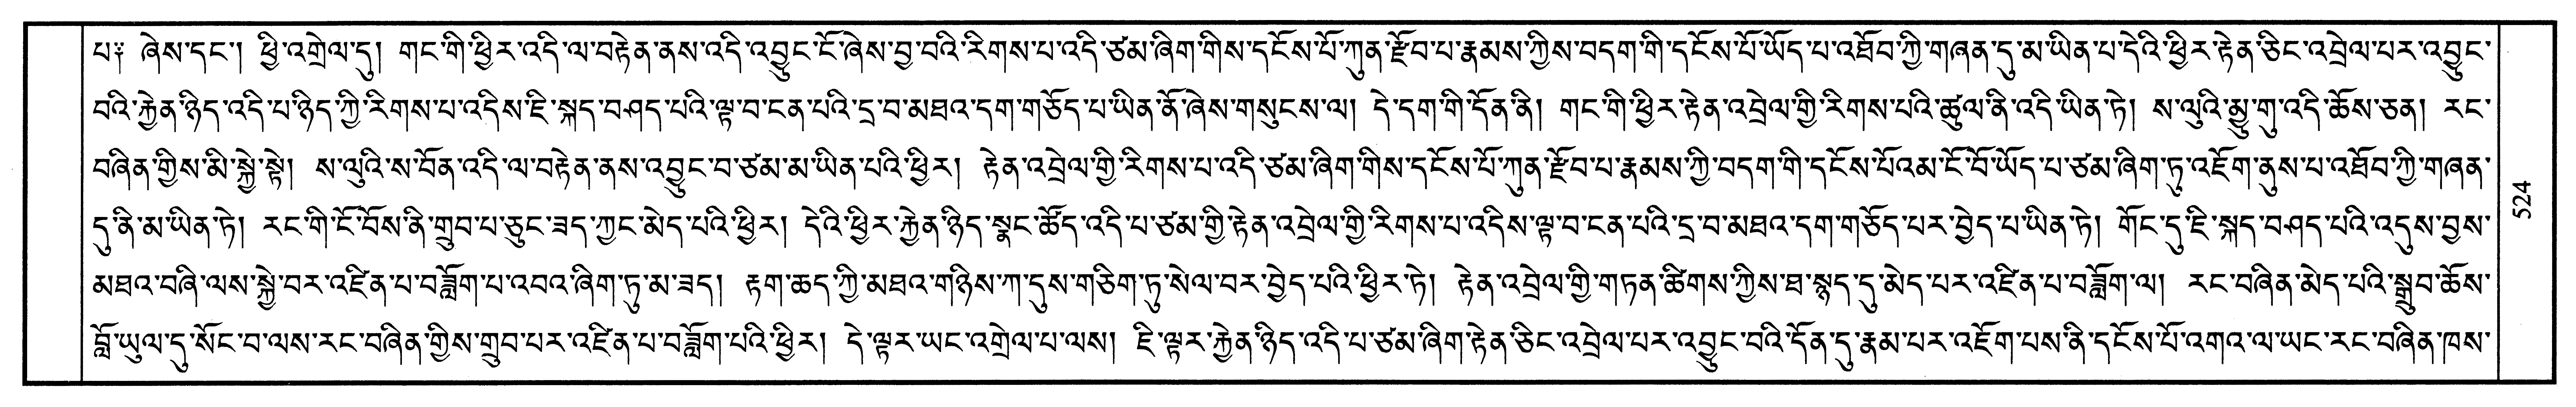པ༑ ཞེས་དང་། ཕྱི་འགྲེལ་དུ། གང་གི་ཕྱིར་འདི་ལ་བརྟེན་ནས་འདི་འབྱུང་ངོ་ཞེས་བྱ་བའི་རིགས་པ་འདི་ཙམ་ཞིག་གིས་དངོས་པོ་ཀུན་རྫོབ་པ་རྣམས་ཀྱིས་བདག་གི་དངོས་པོ་ཡོད་པ་འཐོབ་ཀྱི་གཞན་དུ་མ་ཡིན་པ་དེའི་ཕྱིར་རྟེན་ཅིང་འབྲེལ་པར་འབྱུང་
བའི་རྐྱེན་ཉིད་འདི་པ་ཉིད་ཀྱི་རིགས་པ་འདིས་ཇི་སྐད་བཤད་པའི་ལྟ་བ་ངན་པའི་དྲ་བ་མཐའ་དག་གཅོད་པ་ཡིན་ནོ་ཞེས་གསུངས་ལ། དེ་དག་གི་དོན་ནི། གང་གི་ཕྱིར་རྟེན་འབྲེལ་གྱི་རིགས་པའི་ཚུལ་ནི་འདི་ཡིན་ཏེ། ས་ལུའི་མྱུ་གུ་འདི་ཆོས་ཅན། རང་
བཞིན་གྱིས་མི་སྐྱེ་སྟེ། ས་ལུའི་ས་བོན་འདི་ལ་བརྟེན་ནས་འབྱུང་བ་ཙམ་མ་ཡིན་པའི་ཕྱིར། རྟེན་འབྲེལ་གྱི་རིགས་པ་འདི་ཙམ་ཞིག་གིས་དངོས་པོ་ཀུན་རྫོབ་པ་རྣམས་ཀྱི་བདག་གི་དངོས་པོའམ་ངོ་བོ་ཡོད་པ་ཙམ་ཞིག་ཏུ་འཇོག་ནུས་པ་འཐོབ་ཀྱི་གཞན་
དུ་ནི་མ་ཡིན་ཏེ། རང་གི་ངོ་བོས་ནི་གྲུབ་པ་ཅུང་ཟད་ཀྱང་མེད་པའི་ཕྱིར། དེའི་ཕྱིར་རྐྱེན་ཉིད་སྣང་ཚོད་འདི་པ་ཙམ་གྱི་རྟེན་འབྲེལ་གྱི་རིགས་པ་འདིས་ལྟ་བ་ངན་པའི་དྲ་བ་མཐའ་དག་གཅོད་པར་བྱེད་པ་ཡིན་ཏེ། གོང་དུ་ཇི་སྐད་བཤད་པའི་འདུས་བྱས་
མཐའ་བཞི་ལས་སྐྱེ་བར་འཛིན་པ་བཟློག་པ་འབའ་ཞིག་ཏུ་མ་ཟད། རྟག་ཆད་ཀྱི་མཐའ་གཉིས་ཀ་དུས་གཅིག་ཏུ་སེལ་བར་བྱེད་པའི་ཕྱིར་ཏེ། རྟེན་འབྲེལ་གྱི་གཏན་ཚིགས་ཀྱིས་ཐ་སྙད་དུ་མེད་པར་འཛིན་པ་བཟློག་ལ། རང་བཞིན་མེད་པའི་སྒྲུབ་ཆོས་
བློ་ཡུལ་དུ་སོང་བ་ལས་རང་བཞིན་གྱིས་གྲུབ་པར་འཛིན་པ་བཟློག་པའི་ཕྱིར། དེ་ལྟར་ཡང་འགྲེལ་པ་ལས། ཇི་ལྟར་རྐྱེན་ཉིད་འདི་པ་ཙམ་ཞིག་རྟེན་ཅིང་འབྲེལ་པར་འབྱུང་བའི་དོན་དུ་རྣམ་པར་འཇོག་པས་ནི་དངོས་པོ་འགའ་ལ་ཡང་རང་བཞིན་ཁས་